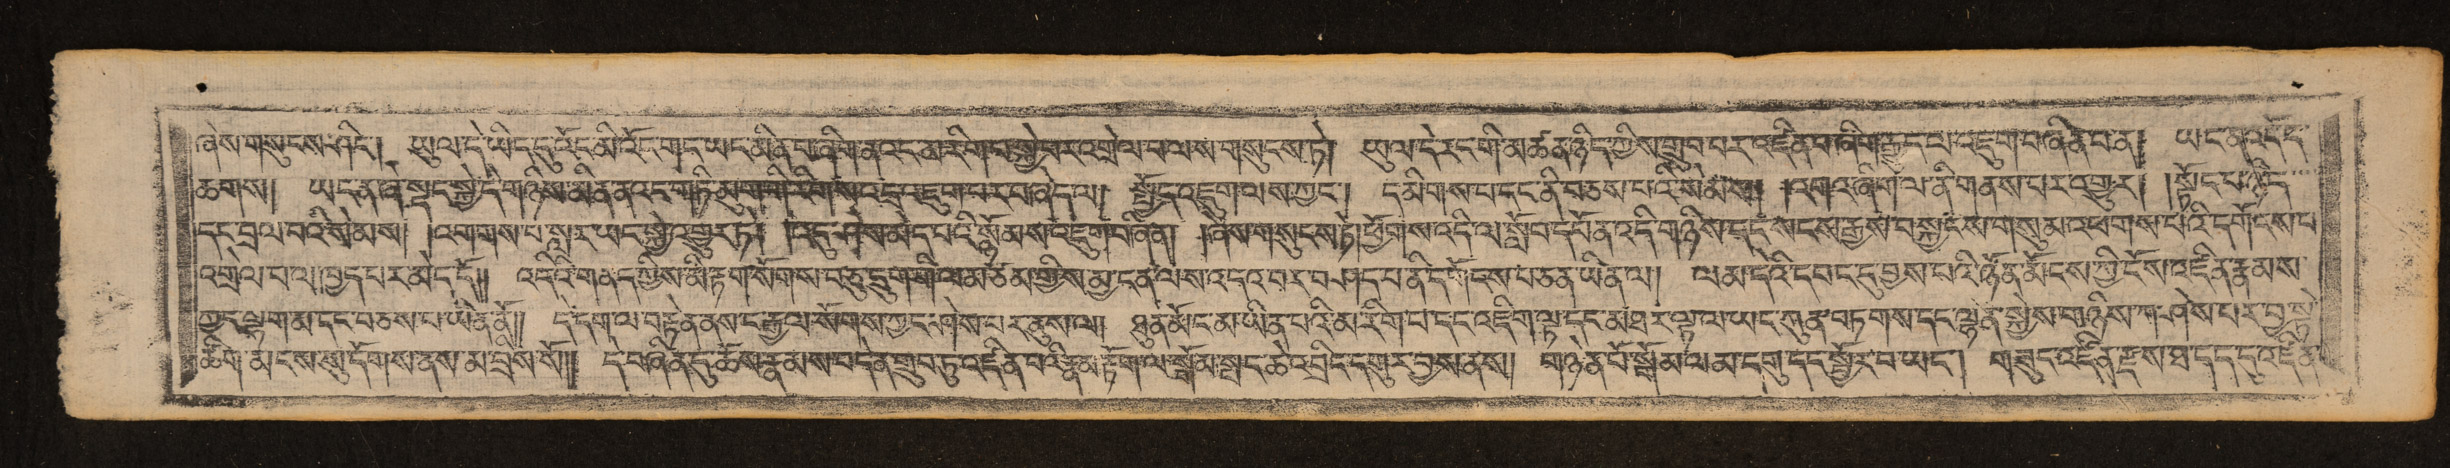ཞེས་གསུངས་ཤིང་། ཡུལ་དེ་ཡིད་དུ་འོང་མི་འོང་གང་ཡང་མིན་པ་ཞིག་ནའང་མ་རིག་པ་སྐྱེ་བར་འགྲེལ་པ་ལས་གསུངས་ཏེ། ཡུལ་དེ་རང་གི་མཚན་ཉིད་ཀྱིས་གྲུབ་པར་འཛིན་པ་ཞིག་རྒྱུད་ལ་འཇུག་བཞིན་པ་ན། ཡང་ན་འདོད་
ཆགས། ཡང་ན་ཞེ་སྡང་སྐྱེ་དེ་གཉིས་མིན་ནའང་གཏི་མུག་གི་རིགས་འདྲ་འཇུག་པར་བཞེད་ལ། སྤྱོད་འཇུག་ལས་ཀྱང་། དམིགས་པ་དང་ནི་བཅས་པའི་སེམས། །འགའ་ཞིག་ལ་ནི་གནས་པར་འགྱུར། །སྟོང་པ་ཉིད་
དང་བྲལ་བའི་སེམས། །འགགས་པ་སླར་ཡང་སྐྱེ་འགྱུར་ཏེ། །འདུ་ཤེས་མེད་པའི་སྙོམས་འཇུག་བཞིན། །ཞེས་གསུངས་ཏེ། ཕྱོགས་འདི་ལ་སློབ་དཔོན་འདི་གཉིས་དང་སངས་རྒྱས་བསྐྱངས་གསུམ་འཕགས་པའི་དགོངས་པ་
འགྲེལ་པ་ལ་ཁྱད་པར་མེད་དོ།། འདིའི་གནད་ཀྱིས་མི་རྟག་སོགས་བཅུ་དྲུག་གི་ལམ་ཙམ་གྱིས་མྱ་ངན་ལས་འདའ་བར་བཤད་པ་ནི་དགོངས་པ་ཅན་ཡིན་ལ། ལམ་དེའི་དབང་དུ་བྱས་པའི་ཉོན་མོངས་ཀྱི་ངོས་འཛིན་རྣམས་
ཀྱང་ལྷག་མ་དང་བཅས་པ་ཡིན་ནོ།། དེ་དག་ལ་བརྟེན་ནས་ང་རྒྱལ་སོགས་ཀྱང་ཤེས་པར་ནུས་ལ། ཐུན་མོང་མ་ཡིན་པའི་མ་རིག་པ་དང་འཇིག་ལྟ་དང་མཐར་ལྟ་ལ་ཡང་ཀུན་བརྟགས་དང་ལྷན་སྐྱེས་གཉིས་ཀ་ཤེས་པར་བྱ་སྟེ་
ཚིག་མངས་སུ་དོགས་ནས་མ་བྲིས་སོ།། དེ་བཞིན་དུ་ཆོས་རྣམས་བདེན་གྲུབ་ཏུ་འཛིན་པའི་རྣམ་རྟོག་ལ་སྒོམ་སྤང་ཆེ་འབྲིང་དགུར་བྱས་ནས། གཉེན་པོ་སྒོམ་ལམ་དགུ་དང་སྦྱོར་བ་ཡང་། གཟུང་འཛིན་རྫས་ཐ་དད་དུ་འཛིན་